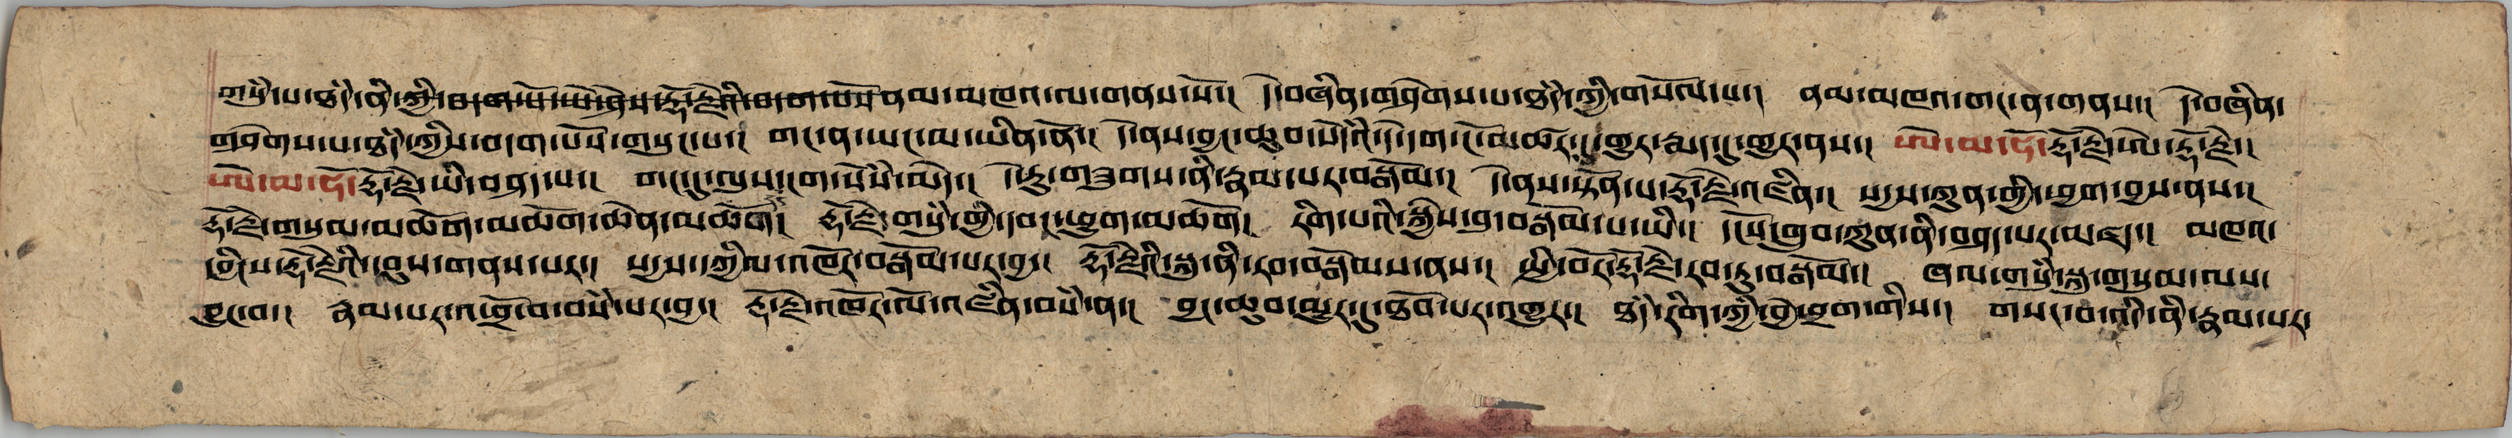གསུཾ་པ་ཐཾད་ནི་ཀྱི་བདག་པོ་ཡེ་ཤེས་རྡོ་རྗེའི་བདག་པོས་ནམ་མཁའ་ལ་གནས་སོ་། དེ་བཞིན་གཤེགས་པ་ཐཾད་ཀྱི་གསོལ་པ་། ནམ་མཁའ་གང་ན་གནས་། དེ་བཞིན་
གཤེགས་པ་ཐཾད་ཀྱིས་བདག་པོས་གསུང་པ་། གང་ན་ཡང་མ་ཡིན་ནོ་། དེ་ནས་བྱང་ཆུབ་སེདཾའ་དེ་དག་ངོ་མཚར་དུ་གྱུར་རྨད་དུ་གྱུར་ནས་། ཨེ་མ་ཧོ་རྡོ་རྗེ་ཨེ་རྡོ་རྗེ་།
ཨེ་མ་ཧོ་རྡོ་རྗེ་ཡི་བཤད་པ་། གང་དུ་ལུས་ངག་སེསཾ་མེད་། དེ་རུ་གཟུགས་ནི་རྣམ་པར་བསྒོམ་། དེ་ནས་སྟོན་པ་རྡོ་རྗེ་འཛིན་། སདྱས་ཀུན་གྱི་ཕྱག་བྱས་ནས་། སདྱས་ཀུན་གྱི་ཕྱག་བྱས་ནས་།
རྡོ་རྗེ་གསུམ་མཆོག་མཆོག་ཆེན་མཆོག། རྡོ་རྗེ་གསུཾ་གྱི་དབང་ཕྱུག་མཆོག། རིག་པའི་སྐྱེས་བུ་བསྒོམ་པ་ཡི་། དངོས་གྲུབ་ཀུན་ནི་བཤད་པར་མཛད་། མཁའ་
དབྱིངས་རྡོ་རྗེའི་དབུས་གནས་པར་། སདྱས་དཀྱིལ་འཁོར་བསྒོམ་པར་བྱ་། རྡོ་རྗེའི་སྐུ་ནི་རབ་བསྒོམས་ནས་། སྤྱི་བོར་རྡོ་རྗེ་རབ་ཏུ་བསྒོམ་། ཞལ་གསུཾ་སྐུ་གསུམ་ལས་
བྱུང་བ་། རྣམ་པར་འཕྲོ་བ་བསཾ་པར་བྱ་། རྡོ་རྗེ་འཁོར་ལོ་འཛིན་བསཾ་ན་། བྱང་ཆུབ་མྱུར་དུ་ཐོབ་པར་འགྱུར་། ཐཾད་རིག་ཀྱི་བྱེ་བྲག་གིས་། གསང་བ་འདི་ནི་རྣམ་པར་